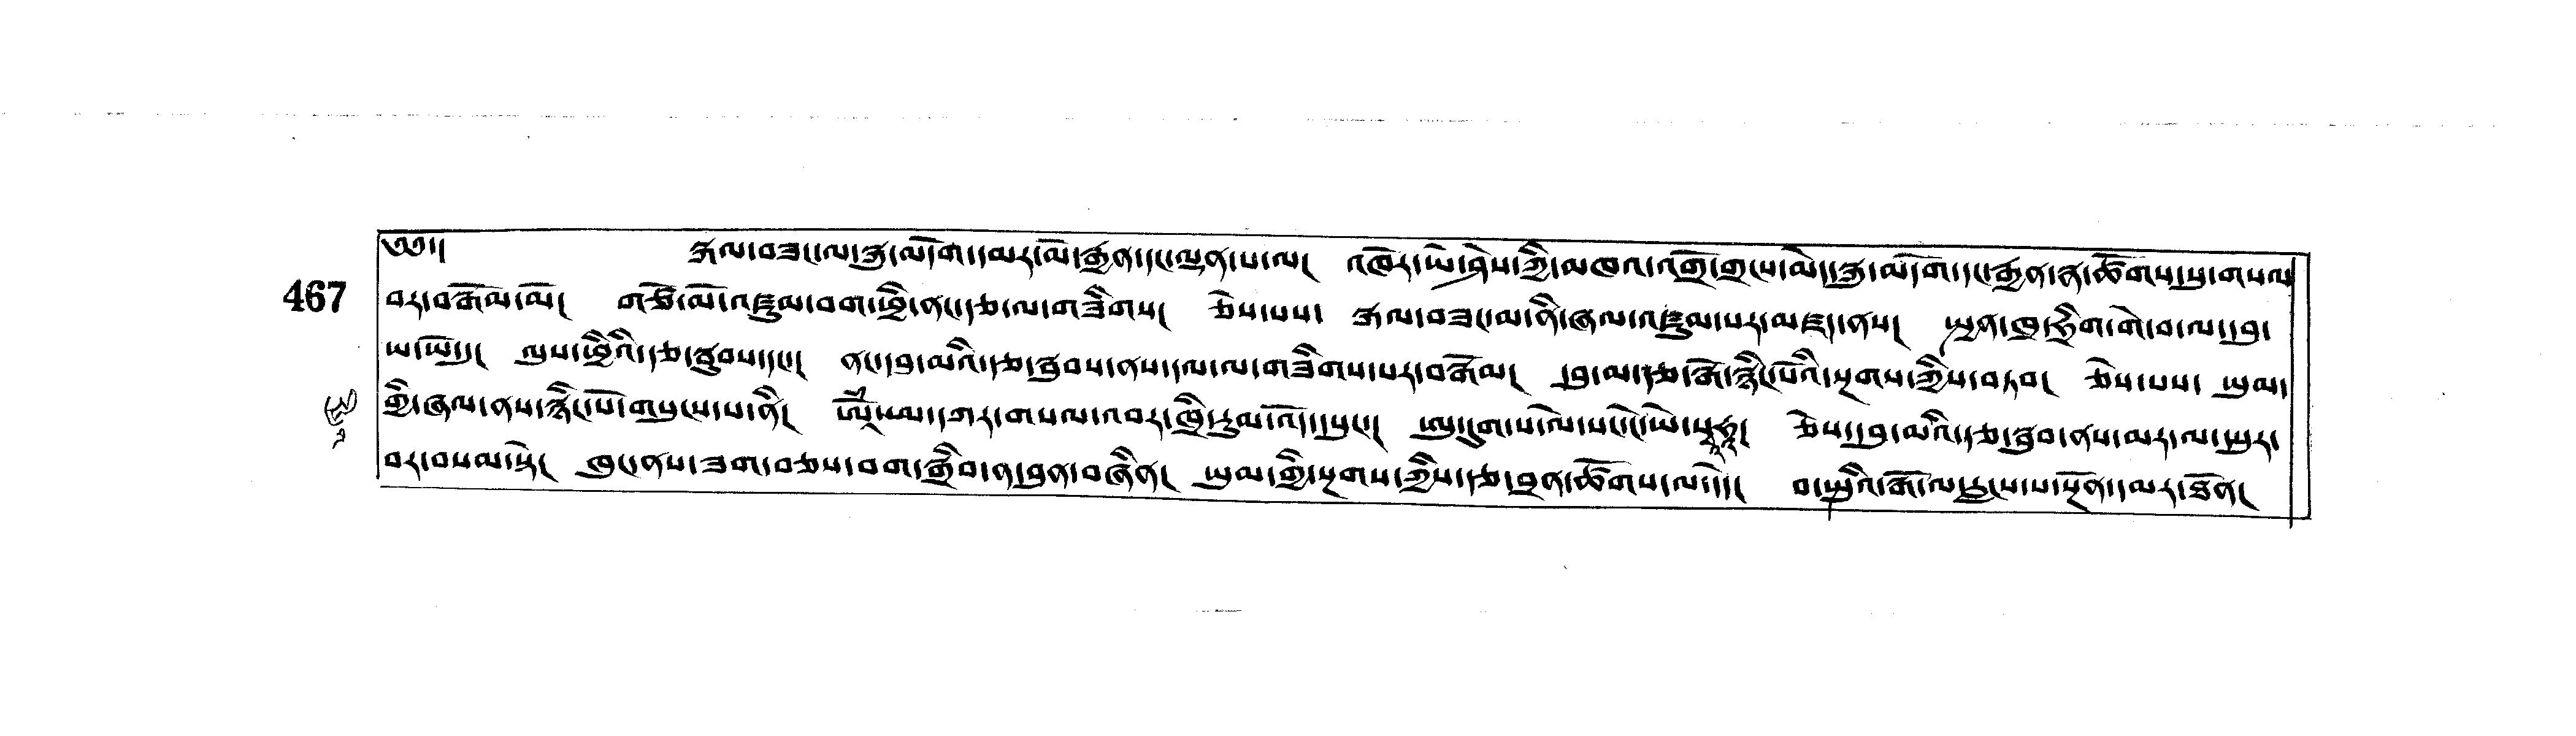སྐལ་བཟང་ལ་སྐུ་མདོག་དམར་མོ་རྒྱན་དང་ལྡན་པ་ལ། འཁོར་ཡེ་ཤེས་མཁའ་འགྲོ་གྲངས་མེད་སྐུ་མདོག་དང་རྒྱན་སྣ་ཚོགས་སུ་གསལ་
བར་བསྒོམ་མོ། གཙོ་མོ་འཛུམ་བག་ཕྱི་ནང་རྩ་ལ་གཟིགས། ཅེས་པས། སྐལ་བཟང་མ་ནི་ཞལ་འཛུམ་པར་མཛད་ནས། སྤྱན་ཁྲ་ཧྲིག་གེ་བ་ལ་དབུ་
ཡ་ཡོ་དུ། ལུས་ཕྱི་ཡི་རྩ་སྦུབས་དང་། ནང་དབུ་མའི་རྩ་སྦུབས་ནས་དལ་ལ་གཟིགས་པར་བསྒོམ། དབུ་མ་རྩ་སྒོ་སྙིང་པོའི་སྔགས་ཀྱིས་བཏབ། ཅེས་པས། ཡུམ་
གྱི་ཞལ་ནས་སྙིང་པོ་གསུངས་པ་ནི། ཨཱོྃ་ཨ་དཀར་གསལ་འབར་ཁྲི་རུམ་འོད་དཔུང་། ཨུ་དུག་སལེ་སང་ངེ་ཡེ་སྭཱ་ཧཱ། ཅེས་དབུ་མའི་རྩ་སྦུབས་ནས་མར་ལ་སྤུར་
བར་བསམ་སྟེ། ཁུང་ནས་ཟག་བཅས་བག་སྒྲིབ་ན་བུན་བཞིན། ཡུམ་གྱི་སྔགས་ཀྱིས་རྩ་ཕྲན་ཚོགས་ལ་དེད། བ་སྤུའི་སྒོ་ལ་རླངས་པ་སྔོན་དམར་ཐོན།